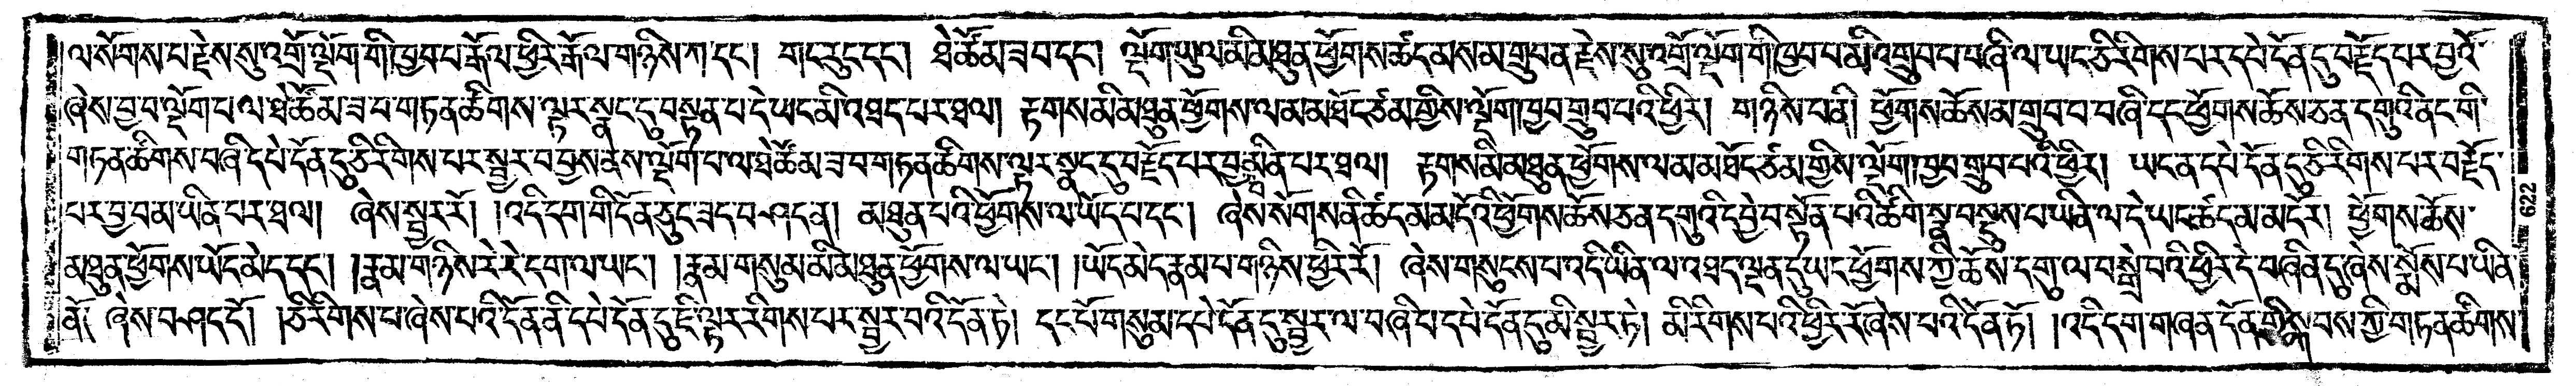ལ་སོགས་པ་རྗེས་སུ་འགྲོ་ལྡོག་གི་ཁྱབ་པ་རྒོལ་ཕྱིར་རྒོལ་གཉིས་ཀ་དང་། གང་རུང་དང་། ཐེ་ཚོམ་ཟ་བ་དང་། ལྡོག་ཡུལ་མི་མཐུན་ཕྱོགས་ཚད་མས་མ་གྲུབ་ན་རྗེས་སུ་འགྲོ་ལྡོག་གི་ཁྱབ་པ་མི་འགྲུབ་པ་བཞི་ལ་ཡང་ཅི་རིགས་པར་དཔེ་དོན་དུ་བརྗོད་པར་བྱའོ་
ཞེས་བྱ་བ་ལྡོག་པ་ལ་ཐེ་ཚོམ་ཟ་བ་གཏན་ཚིགས་ལྟར་སྣང་དུ་བསྟན་པ་དེ་ཡང་མི་འཐད་པར་ཐལ། རྟགས་མི་མཐུན་ཕྱོགས་ལ་མ་མཐོང་ཙམ་གྱིས་ལྡོག་ཁྱབ་གྲུབ་པའི་ཕྱིར། གཉིས་པ་ནི། ཕྱོགས་ཆོས་མ་གྲུབ་པ་བཞི་དང་ཕྱོགས་ཆོས་ཅན་དགུའི་ནང་གི་
གཏན་ཚིགས་བཞི་དཔེ་དོན་དུ་ཅི་རིགས་པར་སྦྱར་བ་བྱས་ནས་ལྡོག་པ་ལ་ཐེ་ཚོམ་ཟ་བ་གཏན་ཚིགས་ལྟར་སྣང་དུ་བརྗོད་པར་བྱ་བ་མིན་པར་ཐལ། རྟགས་མི་མཐུན་ཕྱོགས་ལ་མ་མཐོང་ཙམ་གྱིས་ལྡོག་ཁྱབ་གྲུབ་པའི་ཕྱིར། ཡང་ན་དཔེ་དོན་དུ་ཅི་རིགས་པར་བརྗོད་
པར་བྱ་བ་མ་ཡིན་པར་ཐལ། ཞེས་སྦྱར་རོ། །འདི་དག་གི་དོན་ཅུང་ཟད་བཤད་ན། མཐུན་པའི་ཕྱོགས་ལ་ཡོད་པ་དང་། ཞེས་སོགས་ནི་ཚད་མ་མདོའི་ཕྱོགས་ཆོས་ཅན་དགུའི་དབྱེ་བ་སྟོན་པའི་ཚིག་སྣ་བསྡུས་པ་ཡིན་ལ་དེ་ཡང་ཚད་མ་མདོར། ཕྱོགས་ཆོས་
མཐུན་ཕྱོགས་ཡོད་མེད་དང་། །རྣམ་གཉིས་རེ་རེ་དག་ལ་ཡང་། །རྣམ་གསུམ་མི་མཐུན་ཕྱོགས་ལ་ཡང་། །ཡོད་མེད་རྣམ་པ་གཉིས་ཕྱིར་རོ། ཞེས་གསུངས་པ་འདི་ཡིན་ལ་འཐད་ལྡན་དུ་ཡང་ཕྱོགས་ཀྱི་ཆོས་དགུ་ལ་བསྒྲེ་བའི་ཕྱིར་དེ་བཞིན་དུ་ཞེས་སྨོས་པ་ཡིན་
ནོ། ཞེས་བཤད་དོ། །ཅི་རིགས་པ་ཞེས་པའི་དོན་ནི་དཔེ་དོན་དུ་ཇི་ལྟར་རིགས་པར་སྦྱར་བའི་དོན་ཏེ། དང་པོ་གསུམ་དཔེ་དོན་དུ་སྦྱར་ལ་བཞི་པ་དཔེ་དོན་དུ་མི་སྦྱར་ཏེ། མི་རིགས་པའི་ཕྱིར་རོ་ཞེས་པའི་དོན་ཏོ། །འདི་དག་གཞན་དོན་གྱི་སྐབས་ཀྱི་གཏན་ཚིགས་